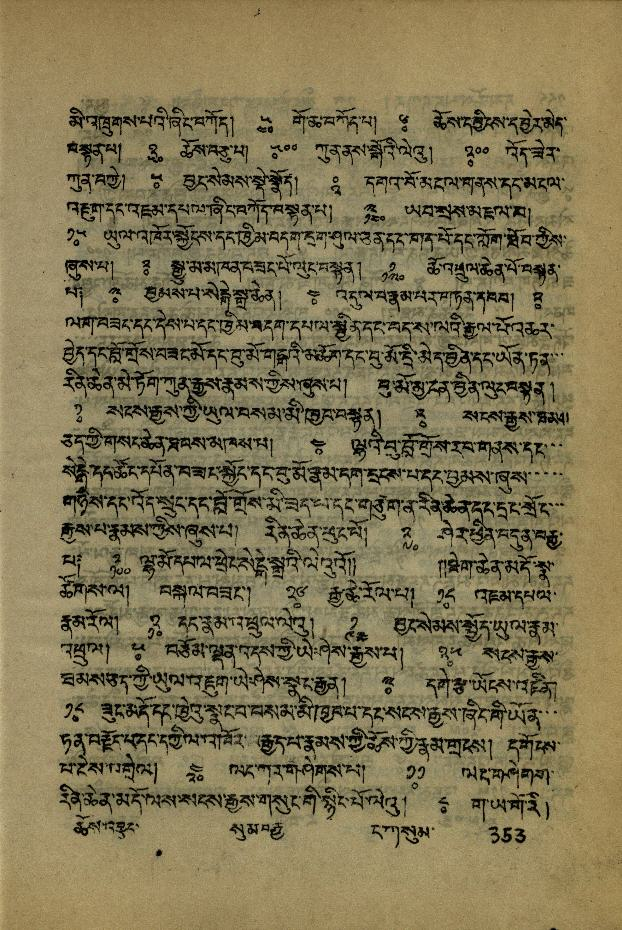མི་འཁྲུགས་པའི་ཞིང་བཀོད། ༥༤༠་གོ་ཆ་བཀོད་པ། ༦་ཆོས་དབྱིངས་དབྱེར་མེད་
བསྟན་པ། ༢༥༠་ཆོས་བཅུ་པ། ༥༠༠་ཀུན་ནས་སྒོའི་ལེའུ། །༢༠༠་འོད་ཟེར་
ཀུན་བཀྱེ། ༥་བྱང་སེམས་སྡེ་སྣོད། ༠་དགའ་བོ་མངལ་གནས་དང་མངལ་
འཇུག་དང་འཇམ་དཔལ་ཞིང་བཀོད་བསྟན་པ། ༣༡༤༠་ཡབ་སྲས་མཇལ་བ།
༡༥་ཡུལ་འཁོར་སྐྱོངས་དང་ཁྱིམ་བདག་དྲག་ཤུལ་ཅན་དང་བདག་པོ་དང་ཀློག་ཐོབ་ཀྱིས་
ཞུས་པ། ༢་སྒྱུ་མ་མཁན་བཟང་པོ་ལུང་བསྟན། ༡༡༢༠་ཆོ་འཕྲུལ་ཆེན་པོ་བསྟན་
པ༑ ༣༠་བྱམས་པ་སེངྒེ་སྒྲ་ཆེན། ༤་འདུལ་བ་རྣམ་པར་གཏན་དབབ། ༢
ལག་བཟང་དང་དེས་པ་དང་ཁྱིམ་བདག་དཔལ་སྦྱིན་དང་བད་ས་ལའི་རྒྱལ་པོ་འཆར་
བྱེད་དང་བློ་གྲོས་བཟང་མོ་དང་བུ་མོ་གངྒའི་མཆོག་དང་བུ་མོ་དྲི་མེད་བྱིན་དང་ཡོན་ཏན་
རིན་ཆེན་མེ་ཏོག་ཀུན་རྒྱས་རྣམས་ཀྱིས་ཞུས་པ། བུ་མོ་མྱ་ངན་བྱིན་ལུང་བསྟན།
༡་སངས་རྒྱས་ཀྱི་ཡུལ་བསམ་མི་ཁྱབ་བསྟན། ༢་སངས་རྒྱས་ཐམས་
ཅད་ཀྱི་གསང་ཆེན་ཐབས་མཁས་པ། ༤་ལྷའི་བུ་བློ་གྲོས་རབ་གནས་དང་
སེངྒེ་དང་ཚོང་དཔོན་བཟང་སྐྱོང་དང་བུ་མོ་རྣམ་དག་དྲངས་པ་དང་བྱམས་ཞུས་
གཉིས་དང་འོད་སྲུང་དང་བློ་གྲོས་མི་ཟད་པ་དང་གཙུག་ན་རིན་ཆེན་དང་དྲང་སྲོང་
རྒྱས་པ་རྣམས་ཀྱིས་ཞུས་པ། རིན་ཆེན་ཕུང་པོ། ༢༧༠་ཤེར་ཕྱིན་བདུན་བརྒྱ་
པ༑ ༢༡༠༠་ལྷ་མོ་དཔལ་ཕྲེང་སེངྒེ་སྒྲའི་ལེའུའོ།། །།ཐེག་ཆེན་མདོ་སྣ་
ཚོགས་ལ། བསྐལ་བཟང་། ༢༦་རྒྱ་ཆེ་རོལ་པ། ༡༨་འཇམ་དཔལ་
རྣམ་རོལ། ༢༼༡༠་དང་རྣམ་འཕྲུལ་ལེའུ། ༡༽༩༤་བྱང་སེམས་སྤྱོད་ཡུལ་རྣམ་
འཕྲུལ། ༥་བརྩོམ་ལྡན་འདས་ཀྱི་ཡེ་ཤེས་རྒྱས་པ། ༢༥་སངས་རྒྱས་
ཐམས་ཅད་ཀྱི་ཡུལ་འཇུག་ཡེ་ཤེས་སྣང་རྒྱན། ༣་དགེ་རྩ་ཡོངས་འཛིན།
༡༨་ཟུང་མདོ་དང་ཁྱེའུ་སྣང་བ་བསམ་མི་ཁྱབ་པ་དང་སངས་རྒྱས་ཞིང་གི་ཡོན་
ཏན་བརྗོད་པ་དང་དཀྱིལ་འཁོར་བརྒྱད་པ་རྣམས་ཀྱི་ཆོས་ཀྱི་རྣམ་གྲངས། དགོངས་
པ་ངེས་འགྲེལ། ༤༢༠་ལང་ཀར་གཤེགས་པ། ༡༡་ལང་གཤེགས་ག་
རིན་ཆེན་མདོ་ལས་སངས་རྒྱས་གསུང་གི་སྙིང་པོ་ལེའུ། ༨་ག་ཡ་གོའི།